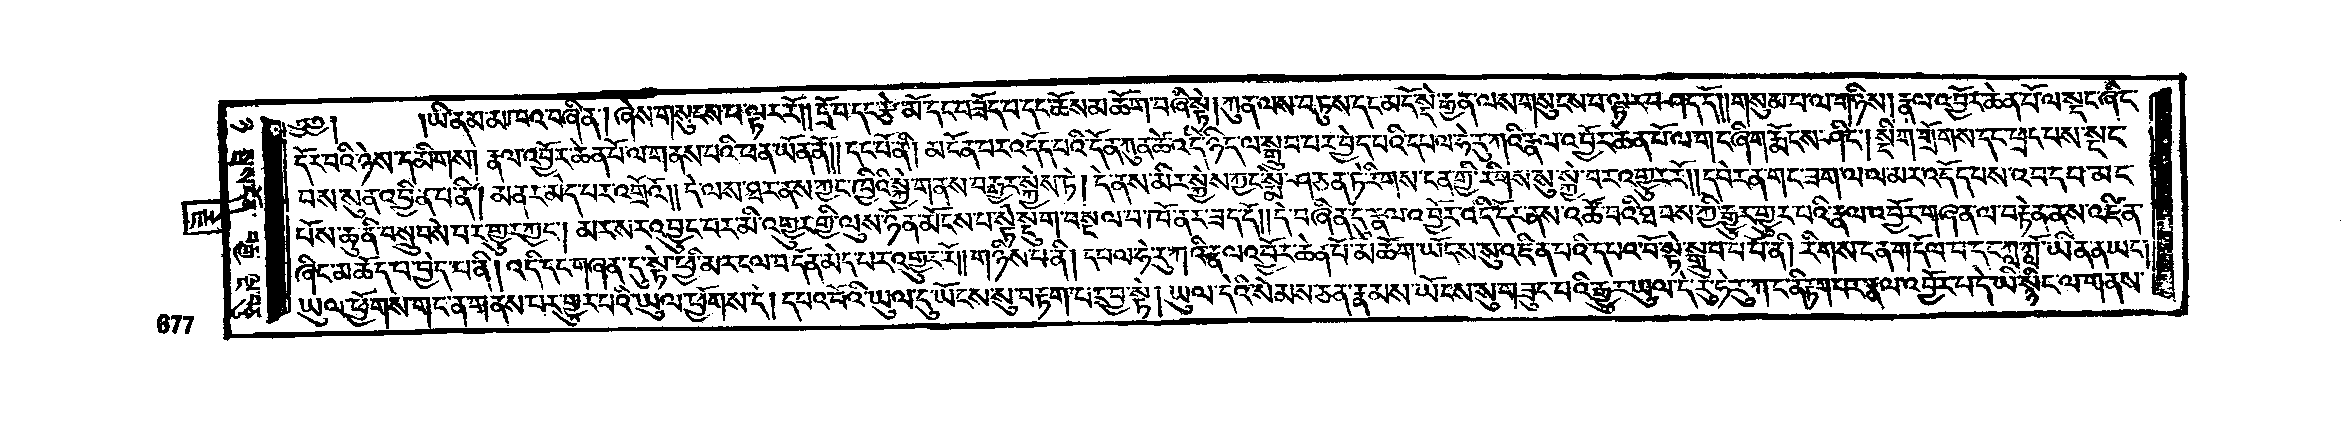༄༅། །ཡི་ནམ་མཁའ་བཞིན། ཞེས་གསུངས་པ་ལྟར་རོ། །དྲོ་བ་དང་རྩེ་མོ་དང་བཟོད་པ་དང་ཆོས་མཆོག་བཞི་སྟེ། ཀུན་ལས་བཏུས་དང་མདོ་སྡེ་རྒྱན་ལས་གསུངས་པ་ལྟར་བཤད་དོ། །གསུམ་པ་ལ་གཉིས། རྣལ་འབྱོར་ཆེན་པོ་ལ་སྡང་ཞིང་
དོར་བའི་ཉེས་དམིགས། རྣལ་འབྱོར་ཆེན་པོ་ལ་གནས་པའི་ཕན་ཡོན་ནོ། །དང་པོ་ནི། མངོན་པར་འདོད་པའི་དོན་ཀུན་ཚེ་འདི་ཉིད་ལ་སྒྲུབ་པར་བྱེད་པའི་དཔལ་ཧེ་རུ་ཀའི་རྣལ་འབྱོར་ཆེན་པོ་ལ་གང་ཞིག་རྨོངས་ཤིང་། སྡིག་གྲོགས་དང་ཕྲད་པས་སྡང་
བས་སུན་འབྱིན་པ་ནི། མནར་མེད་པར་འགྲོའོ། །དེ་ལས་ཐར་ནས་ཀྱང་ཁྱིའི་སྐྱེ་གནས་བརྒྱར་སྐྱེས་ཏེ། དེ་ནས་མིར་སྐྱེས་ཀྱང་སྨེ་ཤ་ཅན་ཏེ་རིགས་ངན་གྱི་རིགས་སུ་སྐྱེ་བར་འགྱུར་རོ། །དཔེར་ན་གང་ཟག་ལ་ལ་མར་འདོད་པས་འབད་པ་མང་
པོས་ཆུ་ནི་བསྲུབས་པར་གྱུར་ཀྱང་། མར་སར་འབྱུང་བར་མི་འགྱུར་གྱི་ལུས་ཉོན་མོངས་པ་སྟེ་སྡུག་བསྔལ་བ་ཁོ་ནར་ཟད་དོ། །དེ་བཞིན་དུ་རྣལ་འབྱོར་འདི་དོར་ནས་འཚེ་བའི་ཐབས་ཀྱི་རྒྱུར་གྱུར་པའི་རྣལ་འབྱོར་གཞན་ལ་བརྟེན་ནས་འཛིན་
ཞིང་མཆོད་པ་བྱེད་པ་ནི། འདི་དང་གཞན་དུ་སྟེ་ཕྱི་མར་ངལ་བ་དོན་མེད་པར་འགྱུར་རོ། །གཉིས་པ་ནི། དཔལ་ཧེ་རུ་ཀའི་རྣལ་འབྱོར་ཆེན་པོ་མཆོག་ཡོངས་སུ་འཛིན་པའི་དཔའ་བོ་སྟེ་སྒྲུབ་པ་པོ་ནི། རིགས་ངན་གདོལ་བ་དང་ཀླ་ཀློ་ཡིན་ན་ཡང་།
ཡུལ་ཕྱོགས་གང་ན་གནས་པར་གྱུར་བའི་ཡུལ་ཕྱོགས་དེ། དཔའ་བོའི་ཡུལ་དུ་ཡོངས་སུ་བརྟག་པར་བྱ་སྟེ། ཡུལ་དེའི་སེམས་ཅན་རྣམས་ཡོངས་སུ་གཟུང་བའི་རྒྱུར་ཡུལ་དེ་རུ་ཧེ་རུ་ཀ་ང་ནི་རྟག་པར་རྣལ་འབྱོར་པ་དེ་ཡི་སྙིང་ལ་གནས་